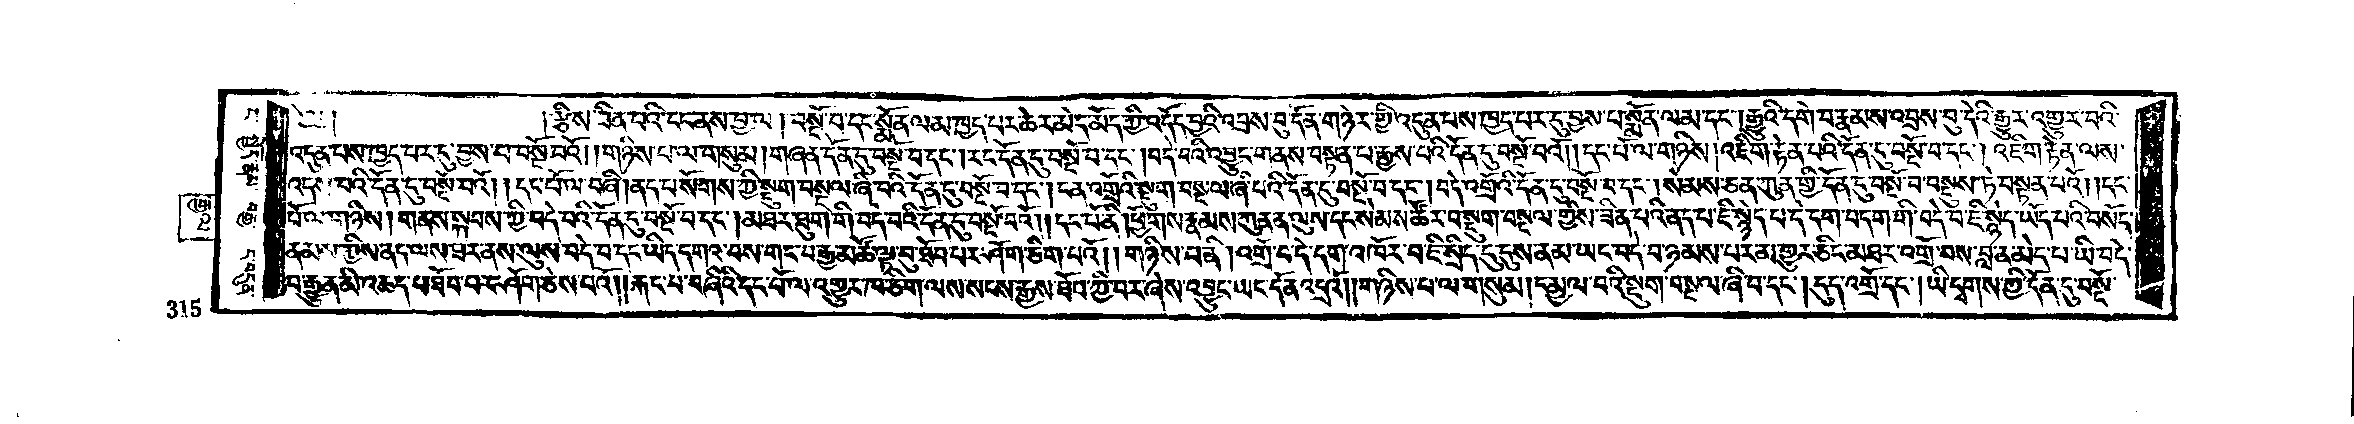༄༅། །རྩིས་ཟིན་པའི་ངང་ནས་བྱ་ལ། བསྔོ་བ་དང་སྨོན་ལམ་ཁྱད་པར་ཚེར?་མེད་ཀྱི་འདོད་བྱའི་འབྲས་བུ་དོན་གཉེར་གྱི་འདུན་པས་ཁྱད་པར་དུ་བྱས་པ་སྨོན་ལམ་དང་། རྒྱུའི་དགེ་བ་རྣམས་འབྲས་བུ་དེའི་རྒྱུར་འགྱུར་བའི་
འདུན་པས་ཁྱད་པར་དུ་བྱས་པ་བསྔོ་བའོ། །གཉིས་པ་ལ་གསུམ། གཞན་དོན་དུ་བསྔོ་བ་དང་། རང་དོན་དུ་བསྔོ་བ་དང་། བདེ་བའི་འབྱུང་གནས་བསྟན་པ་རྒྱས་པའི་དོན་དུ་བསྔོ་བའོ། །དང་པོ་ལ་གཉིས། འཇིག་རྟེན་པའི་དོན་དུ་བསྔོ་བ་དང་། འཇིག་རྟེན་ལས་
འདས་པའི་དོན་དུ་བསྔོ་བའོ། །དང་པོ་ལ་བཞི། ནད་པ་སོགས་ཀྱི་སྡུག་བསྔལ་ཞི་བའི་དོན་དུ་བསྔོ་བ་དང་། ངན་འགྲོའི་སྡུག་བསྔལ་ཞི་བའི་དོན་དུ་བསྔོ་བ་དང་། བདེ་འགྲོའི་དོན་དུ་བསྔོ་བ་དང་། སེམས་ཅན་ཀུན་གྱི་དོན་དུ་བསྔོ་བ་བསྡུས་ཏེ་བསྟན་པའོ། །དང་
པོ་ལ་གཉིས། གནས་སྐབས་ཀྱི་བདེ་བའི་དོན་དུ་བསྔོ་བ་དང་། མཐར་ཐུག་གི་བདེ་བའི་དོན་དུ་བསྔོ་བའོ། །དང་པོ་ནི། ཕྱོགས་རྣམས་ཀུན་ན་ལུས་དང་སེམས་ཚོར་བ་སྡུག་བསྔལ་གྱི་ཟིན་པའི་ནད་པ་ཇི་སྙེད་པ་དེ་དག་བདག་གི་བདེ་བ་ཇི་སྙེད་ཡོད་པའི་བསོད་
ནམས་ཀྱིས་ནད་ལས་ཐར་ནས་ལུས་བདེ་བ་དང་ཡིད་དགའ་བས་གང་བ་རྒྱ་མཚོ་ལྟ་བུ་ཐོབ་པར་ཤོག་ཅིག་པའོ། །གཉིས་པ་ནི། འགྲོ་བ་དེ་དག་འཁོར་བ་ཇི་སྲིད་དུ་དུས་ནམ་ཡང་བདེ་བ་ཉམས་པར་མ་གྱུར་ཅིང་མཐར་འགྲོ་བས་བླ་ན་མེད་པ་ཡི་བདེ་
བ་རྒྱུ་མི་འཆད་པ་ཐོབ་པར་ཤོག་ཅེས་པའོ། །རྐང་པ་བཞིའི་དང་པོ་ལ་འགྱུར་ཁ་ཅིག་ལས་སངས་རྒྱས་ཐོབ་ཀྱི་བར་ཞེས་འབྱུང་ཡང་དོན་འདྲའོ། །གཉིས་པ་ལ་གསུམ། དམྱལ་བའི་སྡུག་བསྔལ་ཞི་བ་དང་། དུད་འགྲོ་དང་། ཡི་དྭགས་ཀྱི་དོན་དུ་བསྔོ་